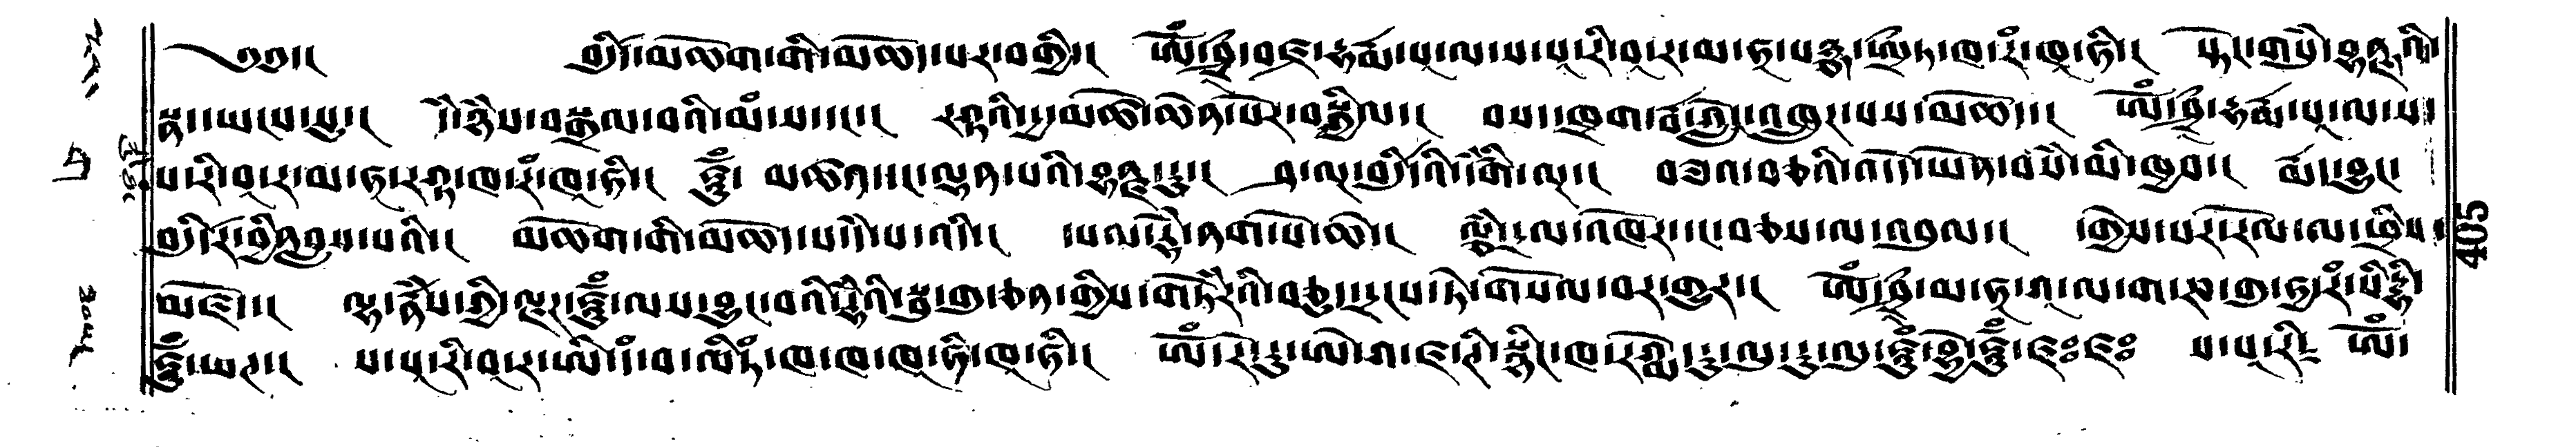།བདུད་རྩི་མཆོག་གིས་མཆོད་པར་བགྱི། ཨོཾ་ཤྲཱི་བཛྲ་དྷརྨ་པཱ་ལ་ས་པཱ་རི་བཱ་ར་མ་ཧཱ་པཉྩ་ཨ་མྲི་ཏ་ཁ་རཾ་ཁཱ་ཧི། སྟོང་གསུམ་བྷནྫའི་
སྣོད་ཡངས་སུ། །དམ་ཉམས་བསྒྲལ་བའི་མཾ་ས་དང་། །རཀྟའི་རྒྱ་མཚོ་ཆེན་པོར་བསྐྱིལ། །བསད་ཁྲག་རྦ་ཀློང་འཁྲུགས་པས་མཆོད། །ཨོཾ་ཤྲཱི་དྷརྨ་པཱ་ལ་ས་
པ་རི་བཱ་ར་མ་ཧཱ་རཀྟ་ཁ་རཾ་ཁཱ་ཧི། ཧཱུྃ། མཚན་དང་ལྡན་པའི་བྷནྫ་རུ། །ཤ་ལྔ་བདུད་རྩིའི་དམ་ཚིག་ལྔ། །བཟའ་བཅའི་འདོད་ཡོན་བསམ་མི་ཁྱབ། །རྨད་བྱུང་
བདུད་རྩིར་བྱིན་བརླབས་པའི། །མཆོག་གི་མཆོད་པ་དམ་པ་འདི། །དཔལ་ལྡན་རྡོ་རྗེ་ནག་པོ་ཆེ། །ལྕམ་དྲལ་འཁོར་དང་བཅས་ལ་འབུལ། །དགྱེས་པར་རོལ་ལ་ཕྲིན་ལས་
མཛོད། །ལྷ་རྣམས་ཀྱི་ལྗགས་ཧཱུྃ་ལས་བྱུང་བའི་རྡོ་རྗེའི་སྦུ་གུ་ཅན་གྱིས་གཏོར་མའི་བཅུད་དྲངས་ཏེ་གསོལ་བར་གྱུར། ཨོཾ་ཤྲཱི་མ་ཧཱ་ཀཱ་ལ་ག་ཎ་གུ་ཧྱ་རཾ་སིདྡྷི་
ཧཱུྃ་ཕཊཿ ས་པཱ་རི་བཱ་ར་ཨི་དཾ་བ་ལིཾ་ཏ་ཁ་ཁ་ཁཱ་ཧི་ཁཱ་ཧིཿ ཨོཾ་རོ་རུ་ཨེ་ཀ་ཛ་ཊི་སྙིང་ཁ་རཀྨོ་རུ་ལུ་རུ་ལུ་ཧཱུྃ་བྷྱོ་ཧཱུྃ་ཛཿཛཿ ས་པཱ་རི༴ ཨོཾ་